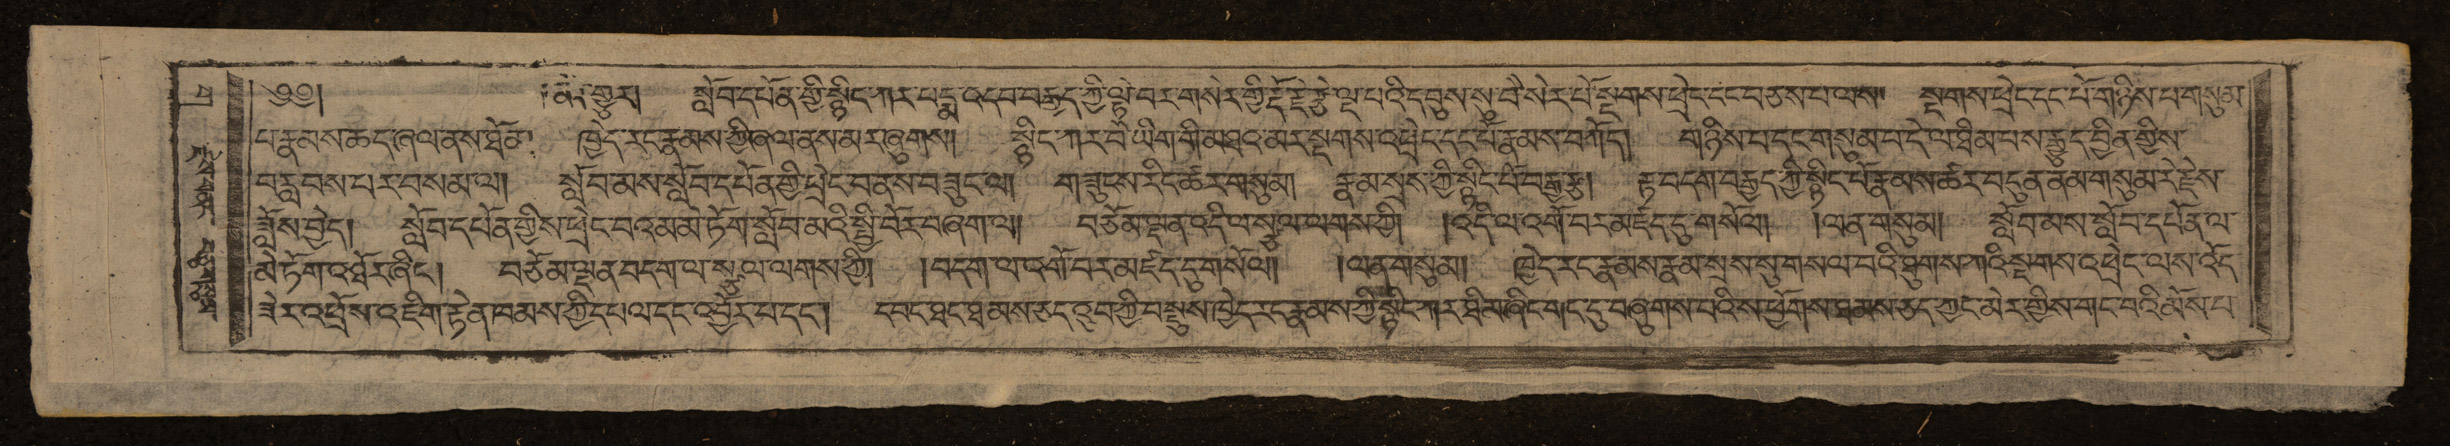༄༅། །མ?་གྱུར། སློབ་དཔོན་གྱི་སྙིང་ཀར་པདམ་འདབ་བརྒྱད་ཀྱི་ལྟེ་བར་གསེར་གྱི་རྡོ་རྗེ་རྩེ་ལྔ་པའི་དབུས་སུ་བཻ་སེར་པོ་སྔགས་ཕྲེང་དང་བཅས་པ་ལས། སྔགས་ཕྲེང་དང་པོ་གཉིས་པ་གསུམ་
པ་རྣམས་ཆད་ཞལ་ནས་ཐོན། ཁྱེད་རང་རྣམས་ཀྱི་ཞལ་ནས་མར་ཞུགས། སྙིང་ཀར་བཻ་ཡིག་གི་མཐའ་མར་སྔགས་འཕྲེང་དང་པོ་རྣམས་བཀོད། གཉིས་པ་དང་གསུམ་པ་དེ་ལ་ཐིམ་པས་རྒྱུད་བྱིན་གྱིས་
བརླབས་པར་བསམ་ལ། སློབ་མས་སློབ་དཔོན་གྱི་ཕྲེང་བ་ནས་བཟུང་ལ། གཟུངས་རིང་ཚར་གསུམ། རྣམ་སྲས་ཀྱི་སྙིང་པོ་བརྒྱ་རྩ། རྟ་བདག་བརྒྱད་ཀྱི་སྙིང་པོ་རྣམས་ཚར་བདུན་ནམ་གསུམ་རེ་རྗེས་
ཟློས་བྱེད། སློབ་དཔོན་གྱིས་ཕྲེང་བའམ་མེ་ཏོག་སློབ་མའི་སྤྱི་བོར་བཞག་ལ། བཅོམ་ལྡན་འདི་ལ་སྩལ་ལགས་ཀྱི། །འདི་ལ་འགོ་བར་མཛད་དུ་གསོལ། །ལན་གསུམ། སློབ་མས་སློབ་དཔོན་ལ་
མེ་ཏོག་འཐོར་ཞིང་། བཅོམ་ལྡན་བདག་ལ་སྩལ་ལགས་ཀྱི། །བདག་ལ་འགོ་བར་མཛད་དུ་གསོལ། །ལན་གསུམ། ཁྱེད་རང་རྣམས་རྣམ་སྲས་སུ་གསལ་བའི་ཐུགས་ཀའི་སྔགས་འཕྲེང་ལས་འོད་
ཟེར་འཕྲོས་འཇིག་རྟེན་ཁམས་ཀྱི་དཔལ་དང་འབྱོར་པ་དང་། དབང་ཐང་ཐམས་ཅད་འུབ་ཀྱི་བསྡུས་ཁྱེད་རང་རྣམས་ཀྱི་སྙིང་ཀར་ཐིམ་ཞིང་གང་དུ་བཞུགས་པའི་ས་ཕྱོགས་ཐམས་ཅད་ཀྱང་མེར་གྱིས་གང་བའི་མོས་པ་